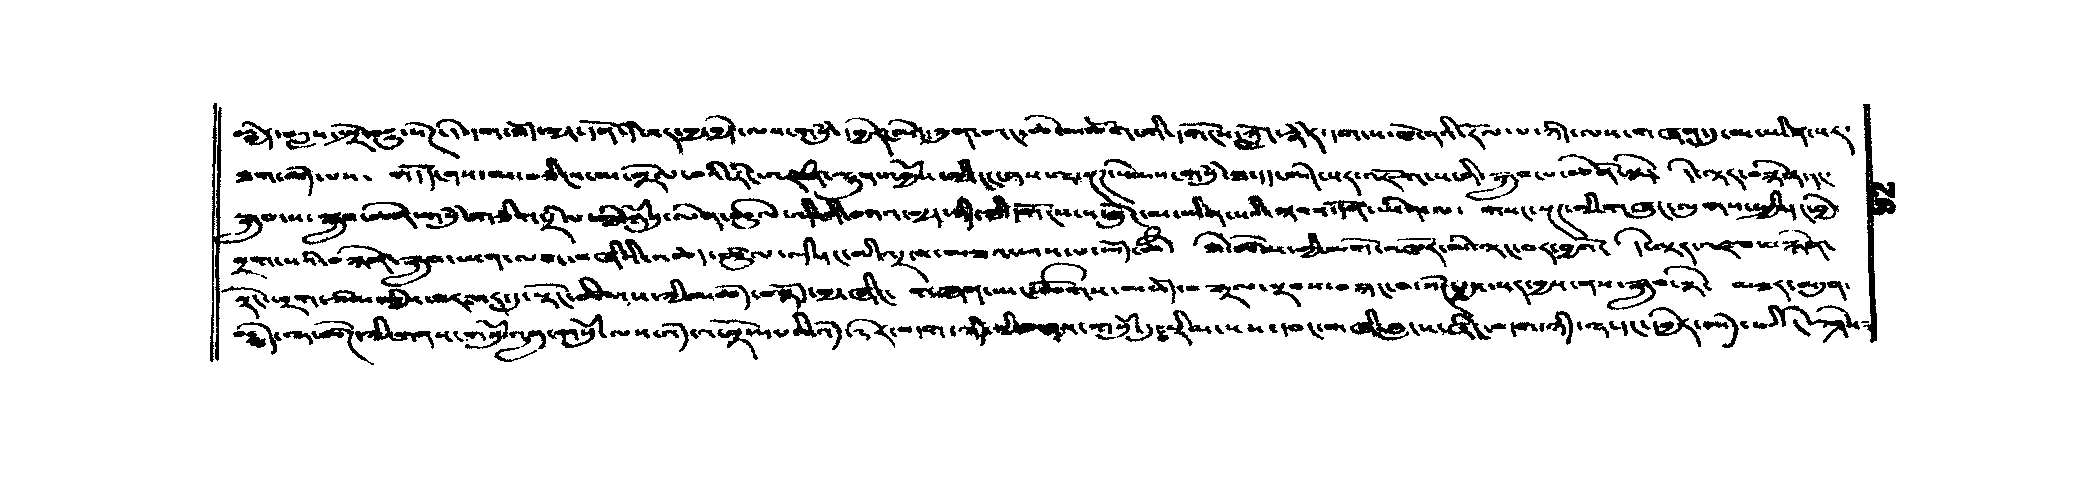བསྐྱེད་བཟླས་སྤྲོ་བསྡུ་སོགས་དེ་དག་ཐམས་ཅད་ཀྱང་དོན་དེ་བར་བྱ་བྱེད་ལས་གསུམ་དབྱེར་མེད་དཀུན་བཟང་ཆེ་མཆོག་གི་དགོངས་ཀློང་རྣམ་པར་དག་པ་ཁོ་ནའི་རོལ་པ་ཉིད་ལས་གཞན་དུ་མ་ཡིན་པར་
ཐག་ཆོད་པས། གདོད་ནས་མ་བཅིངས་མ་གྲོལ་བའི་ཏིང་འཛིན་སྐུན་འབྱམས་ཀྱི་ངང་ནས་ལྷ་སྔགས་སེམས་གསུམ་ཐ་དད་མེད་པར་འཇོག་པ་ནི་སྒྲུབ་པ་ཆེན་པོ་སྟེ། དེ་ལྟར་བསྙེན་དང་
སྒྲུབ་པ་སྒྲུབ་ཆེན་གསུམ་གཅིག་དྲིལ་གྱི་ཉམས་སུ་ལེན་ཚུལ་འདི་ནི་བཀའ་བརྒྱད་ཉིད་ཀྱི་དགོངས་སུ་ཐུན་མོང་མ་ཡིན་པའི་སྐབས་དོན་ཡིན་ལ། གསང་སྔགས་གྱི་གཞུང་ལུགས་སྤྱི་དང་བྱེ་
བྲག་པའི་བསྙེན་སྒྲུབ་ཡན་ལག་བཞིའི་འཆད་ཚུལ་འདི་དང་མི་འདྲ་བ་མཐའ་ཡས་པ་ཡོད་ཚེ། ཐེ་ཚོམ་གྱི་མགོ་འཁོར་མི་ལྟང་བར་བྱའོ། དེ་ལྟར་འཛབ་བསྙེན་
སྟོང་ཕྲག་ཙམ་གྱིས་བར་འབར་དུ་སྟོང་ཚིམས་ཀྱི་མཆོད་བསྟོད་བྱ་ཞིང་། གཞན་ཡང་ཚོགས་མཆོད་བསྒྲལ་སྟབས་བསྐང་བ་སོགསརྒྱས་པར་བྱས་ནས་སྒྲུབ་སྟེ། མཐར་མདུན་
བསྐྱེད་ལྷ་ཚོགས་ཀྱི་གནས་གསུམ་འབྲུ་གསུམ་ལས་འོད་འཕྲོས་པའི་འོད་ཟེར་བདག་ཉིད་ཀྱི་གནས་གསུམ་དུ་འདྲིམ་པས་དབང་གཞི་བླངས་ཤིང་བདག་ཉིད་ལྷ་དང་དབྱེར་མེད་པའི་ངེས་ཤོས་